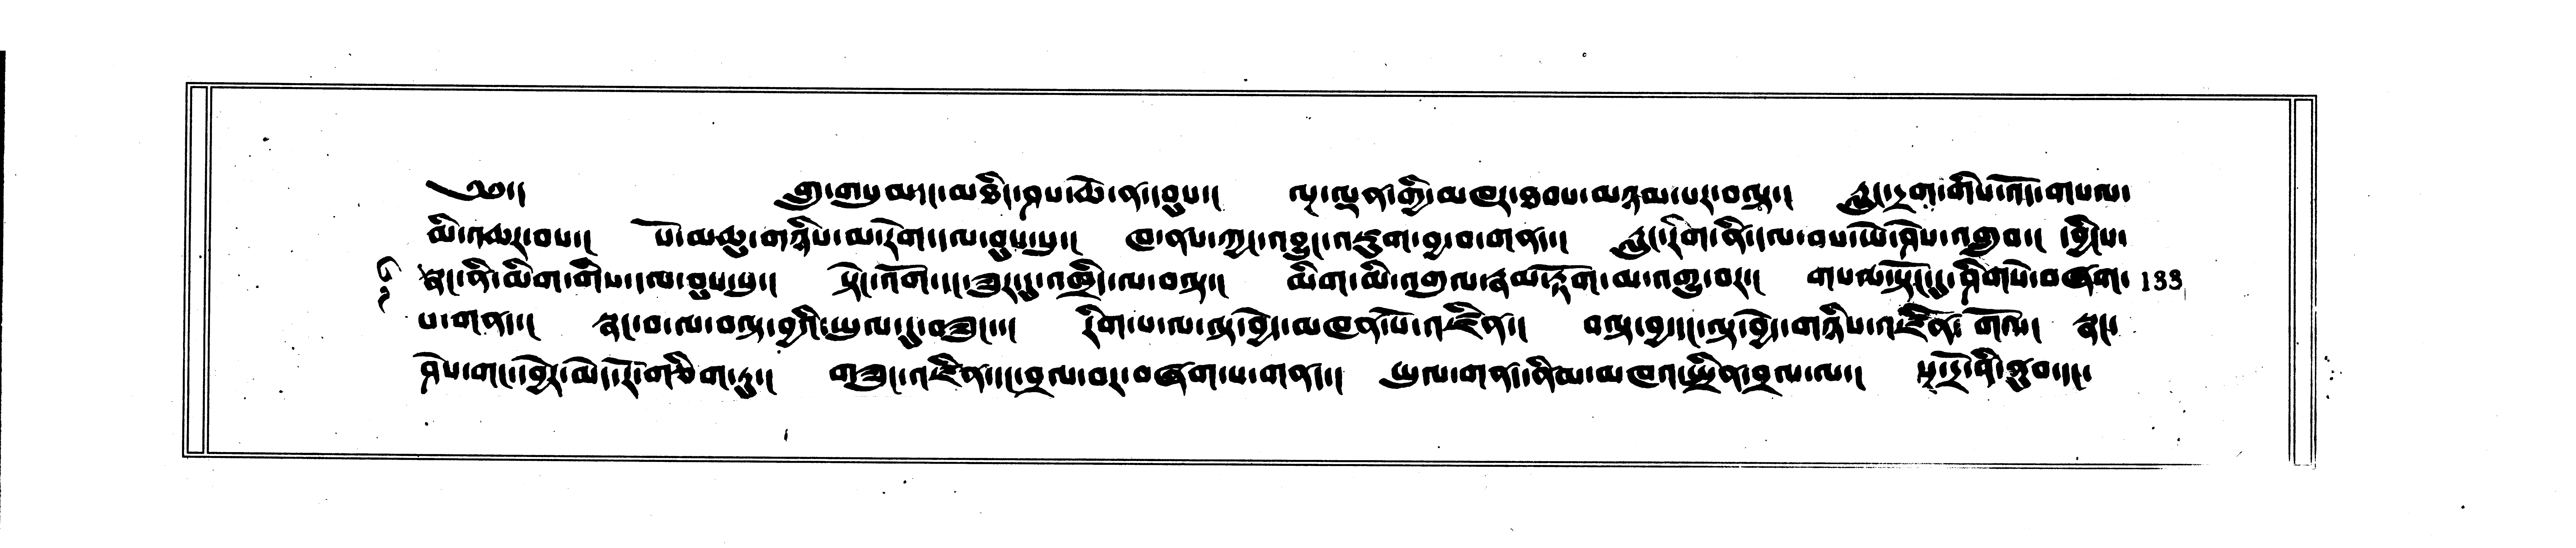གྲུ་གསུམ་དང་མཐིང་ཤས་ཆེ་ན་དབུས། །ལྔ་ལྡན་གྱི་མཁར་ཐབས་མཉམ་པར་བལྟ། །རླུང་དྲག་གིས་འོད་གསལ་
མི་འཆར་བས། །སོ་མཆུ་གཉིས་མ་རེག་དལ་བུས་སུ། །ཁ་ནས་ཀྱང་འབྱུང་འཇུག་བྱ་བ་གནད། །རླུང་རིག་ནི་དལ་བས་ཡེ་ཤེས་འགྲུབ། །དབྱིངས་
སྣང་ནི་མིག་གིས་དལ་བུས་སུ། །སྟེང་འོག་དང་ཟུར་དུ་འཁྲིད་ལ་བལྟ། །མི་མི་འགུལ་རྣམ་རྟོག་མ་འགྱུ་བར། །གསལ་སྟོང་དུ་ཤིགས་སེ་བཞག་
པ་གནད། །སྣང་བ་ལ་བལྟ་བྱའི་ཡུལ་དུ་བཟུང་། །རིག་པ་ལ་ལྟ་བྱེད་མཁན་པོ་འཛིན། །བལྟ་བྱ་དང་ལྟ་བྱེད་གཉིས་འཛིན་གོལ། །སྣང་
ཤེས་གང་དབྱེར་མེད་རོ་གཅིག་ཏུ། །གཟུང་འཛིན་དང་བྲལ་བར་བཞག་པ་གནད། །ཡུལ་གནད་ནི་ནམ་མཁའ་སྤྲིན་བྲལ་ལ། །སྔ་དྲོ་ནི་ནུབ་དང་